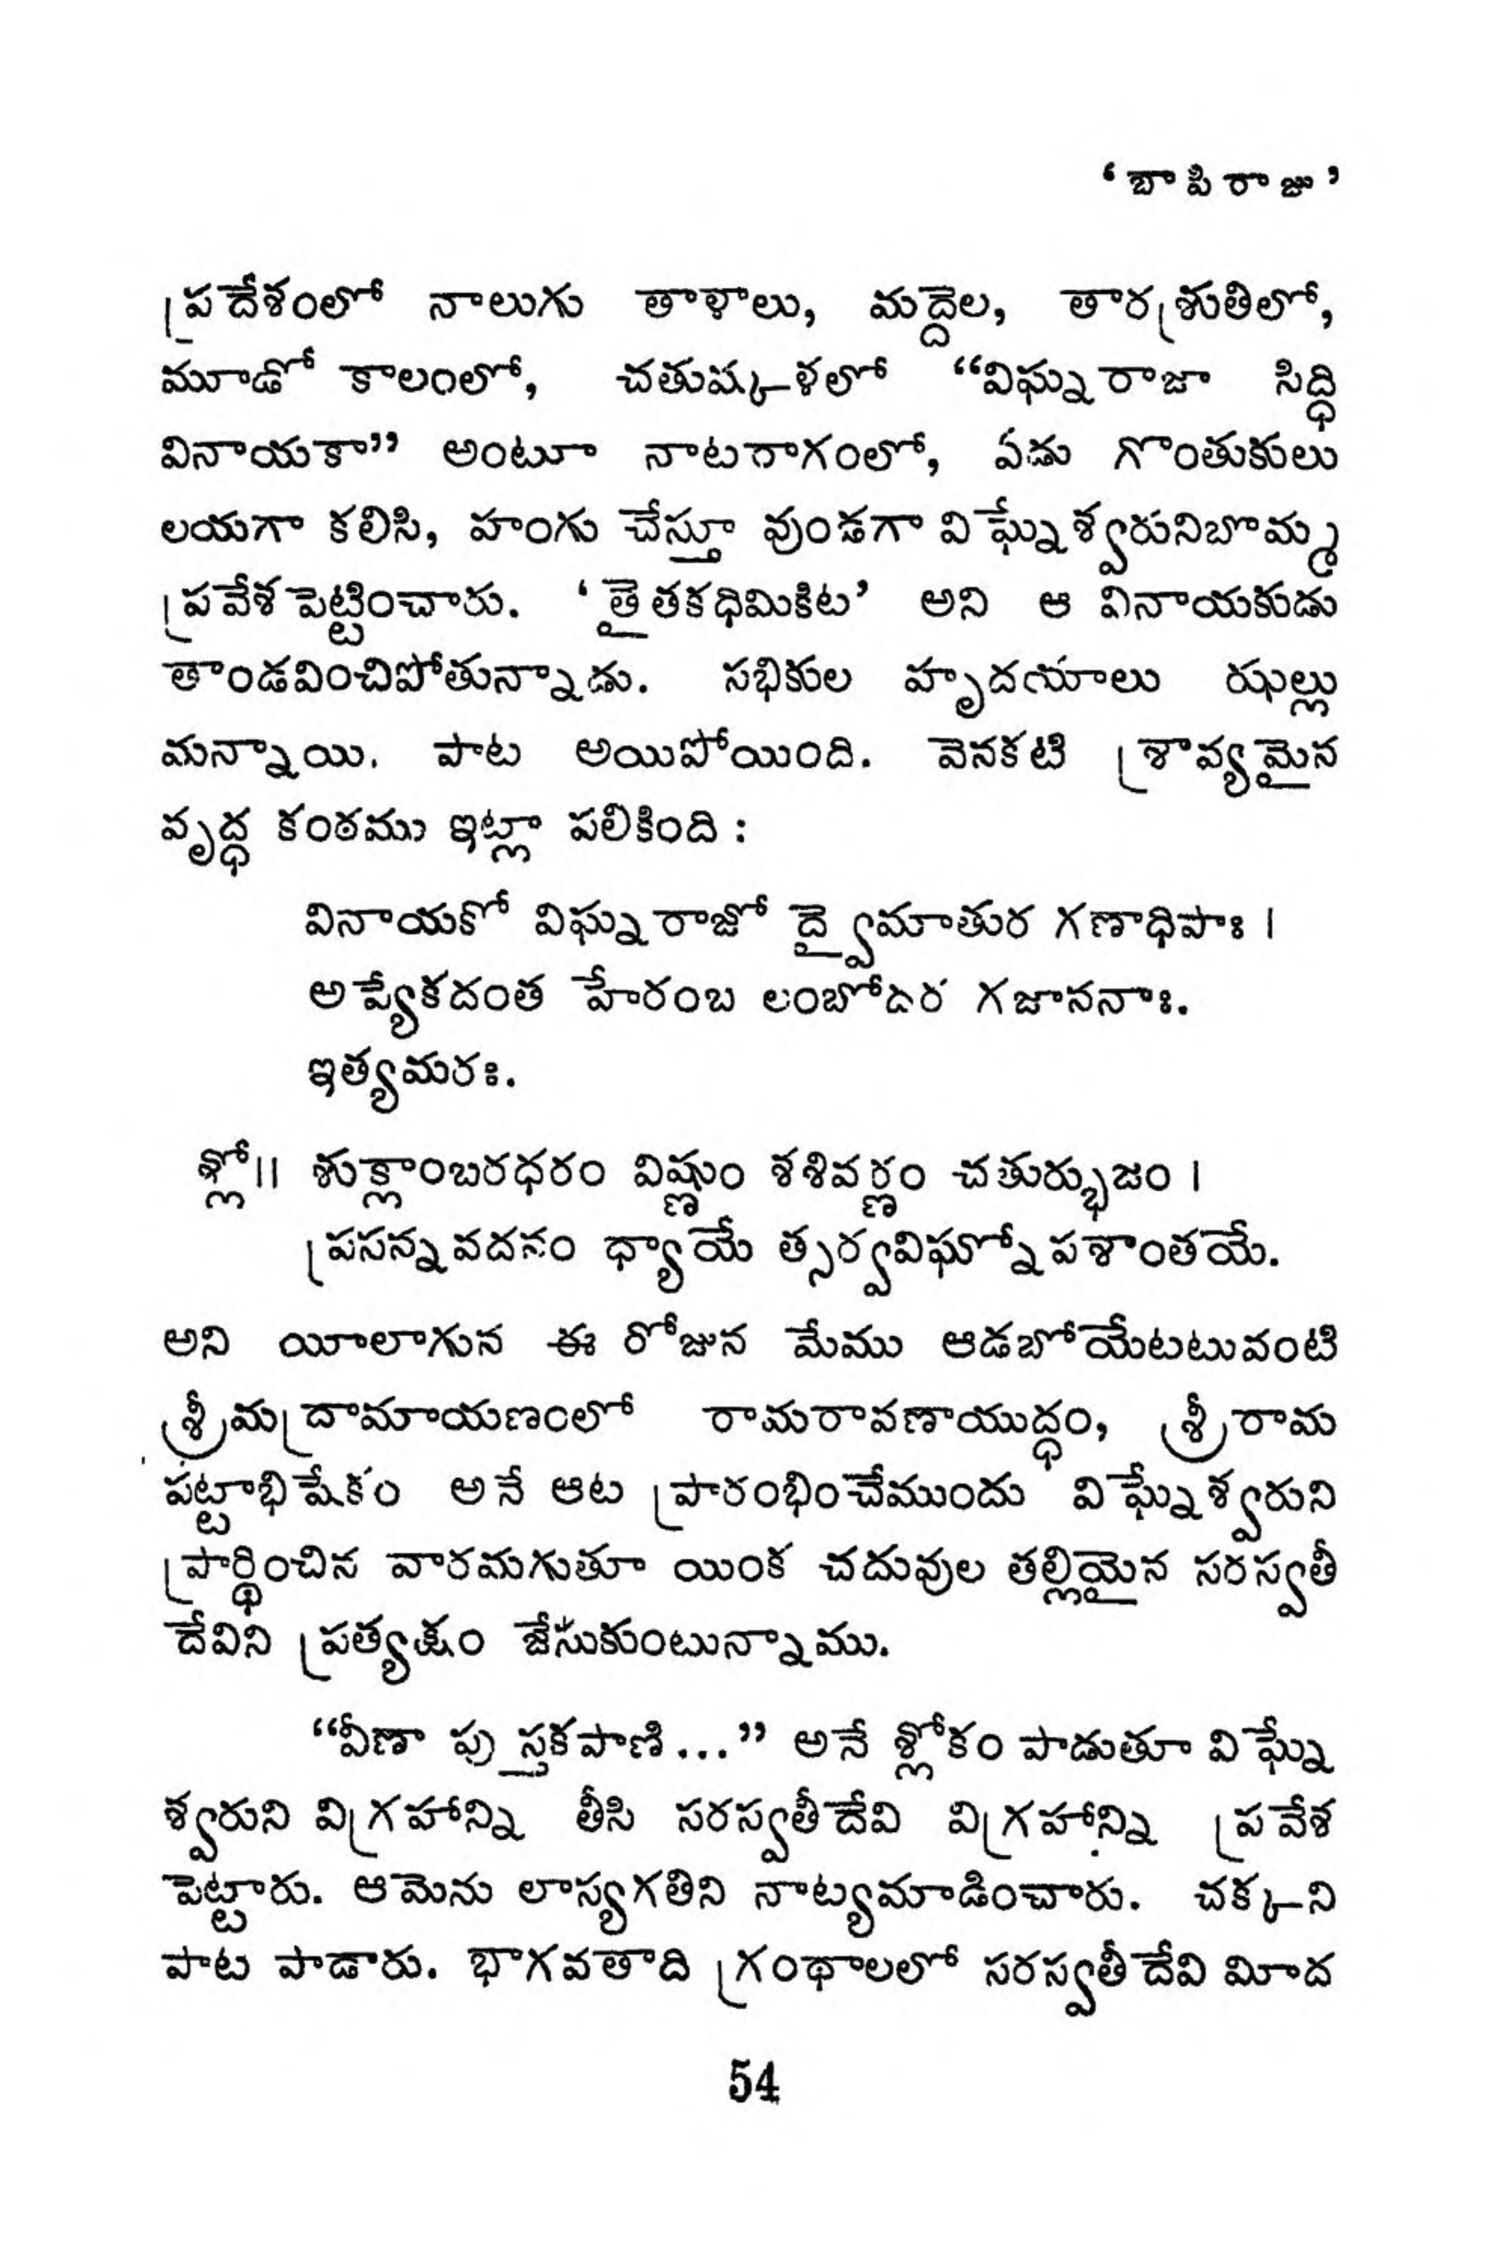ప్రదేశంలో నాలుగు తాళాలు, మద్దెల, తారశ్రుతిలో, మూడో కాలంలో, చతుష్కళలో "విఘ్న రాజా సిద్ధి వినాయకా" అంటూ నాటరాగంలో, ఏడు గొంతుకులు లయగా కలిసి, హంగు చేస్తూ వుండగా విఘ్నేశ్వరునిబొమ్మ ప్రవేశపెట్టించారు. 'తైతకధిమికిట' అని ఆ వినాయకుడు తాండవించిపోతున్నాడు. సభికుల హృదయాలు ఝల్లుమన్నాయి. పాట అయిపోయింది. వెనుకటి శ్రావ్యమైన వృద్ధ కంఠము ఇట్లా పలికింది :

వినాయకో విఘ్నరాజో ద్వైమాతుర గణాధిపాః !
అప్యేకదంత హేరంబ లంబోదర గజాననాః.
ఇత్యమరః.

శ్లో|| శుక్లాంబరధరం విష్ణుం శశివర్ణం చతుర్భుజం !
 ప్రసన్నవదనం ధ్యాయే త్సర్వవిఘ్నోపశాంతయే.
అని యీలాగున ఈ రోజున మేము ఆడబోయేటటువంటి శ్రీమద్రామాయణంలో రామరావణాయుద్ధం, శ్రీరామ పట్టాభిషేకం అనే ఆట ప్రారంభించేముందు విఘ్నేశ్వరుని ప్రార్థించిన వారమగుతూ యింక చదువుల తల్లియైన సరస్వతీ దేవిని ప్రత్యక్షం జేసుకుంటున్నాము.

"వీణా పుస్తకపాణి...." అనే శ్లోకం పాడుతూ విఘ్నేశ్వరుని విగ్రహాన్ని తీసి సరస్వతీదేవి విగ్రహాన్ని ప్రవేశ పెట్టారు. ఆమెను లాస్యగతిని నాట్యమాడించారు. చక్కని పాట పాడారు. భాగవతాది గ్రంథాలలో సరస్వతీదేవి మీద